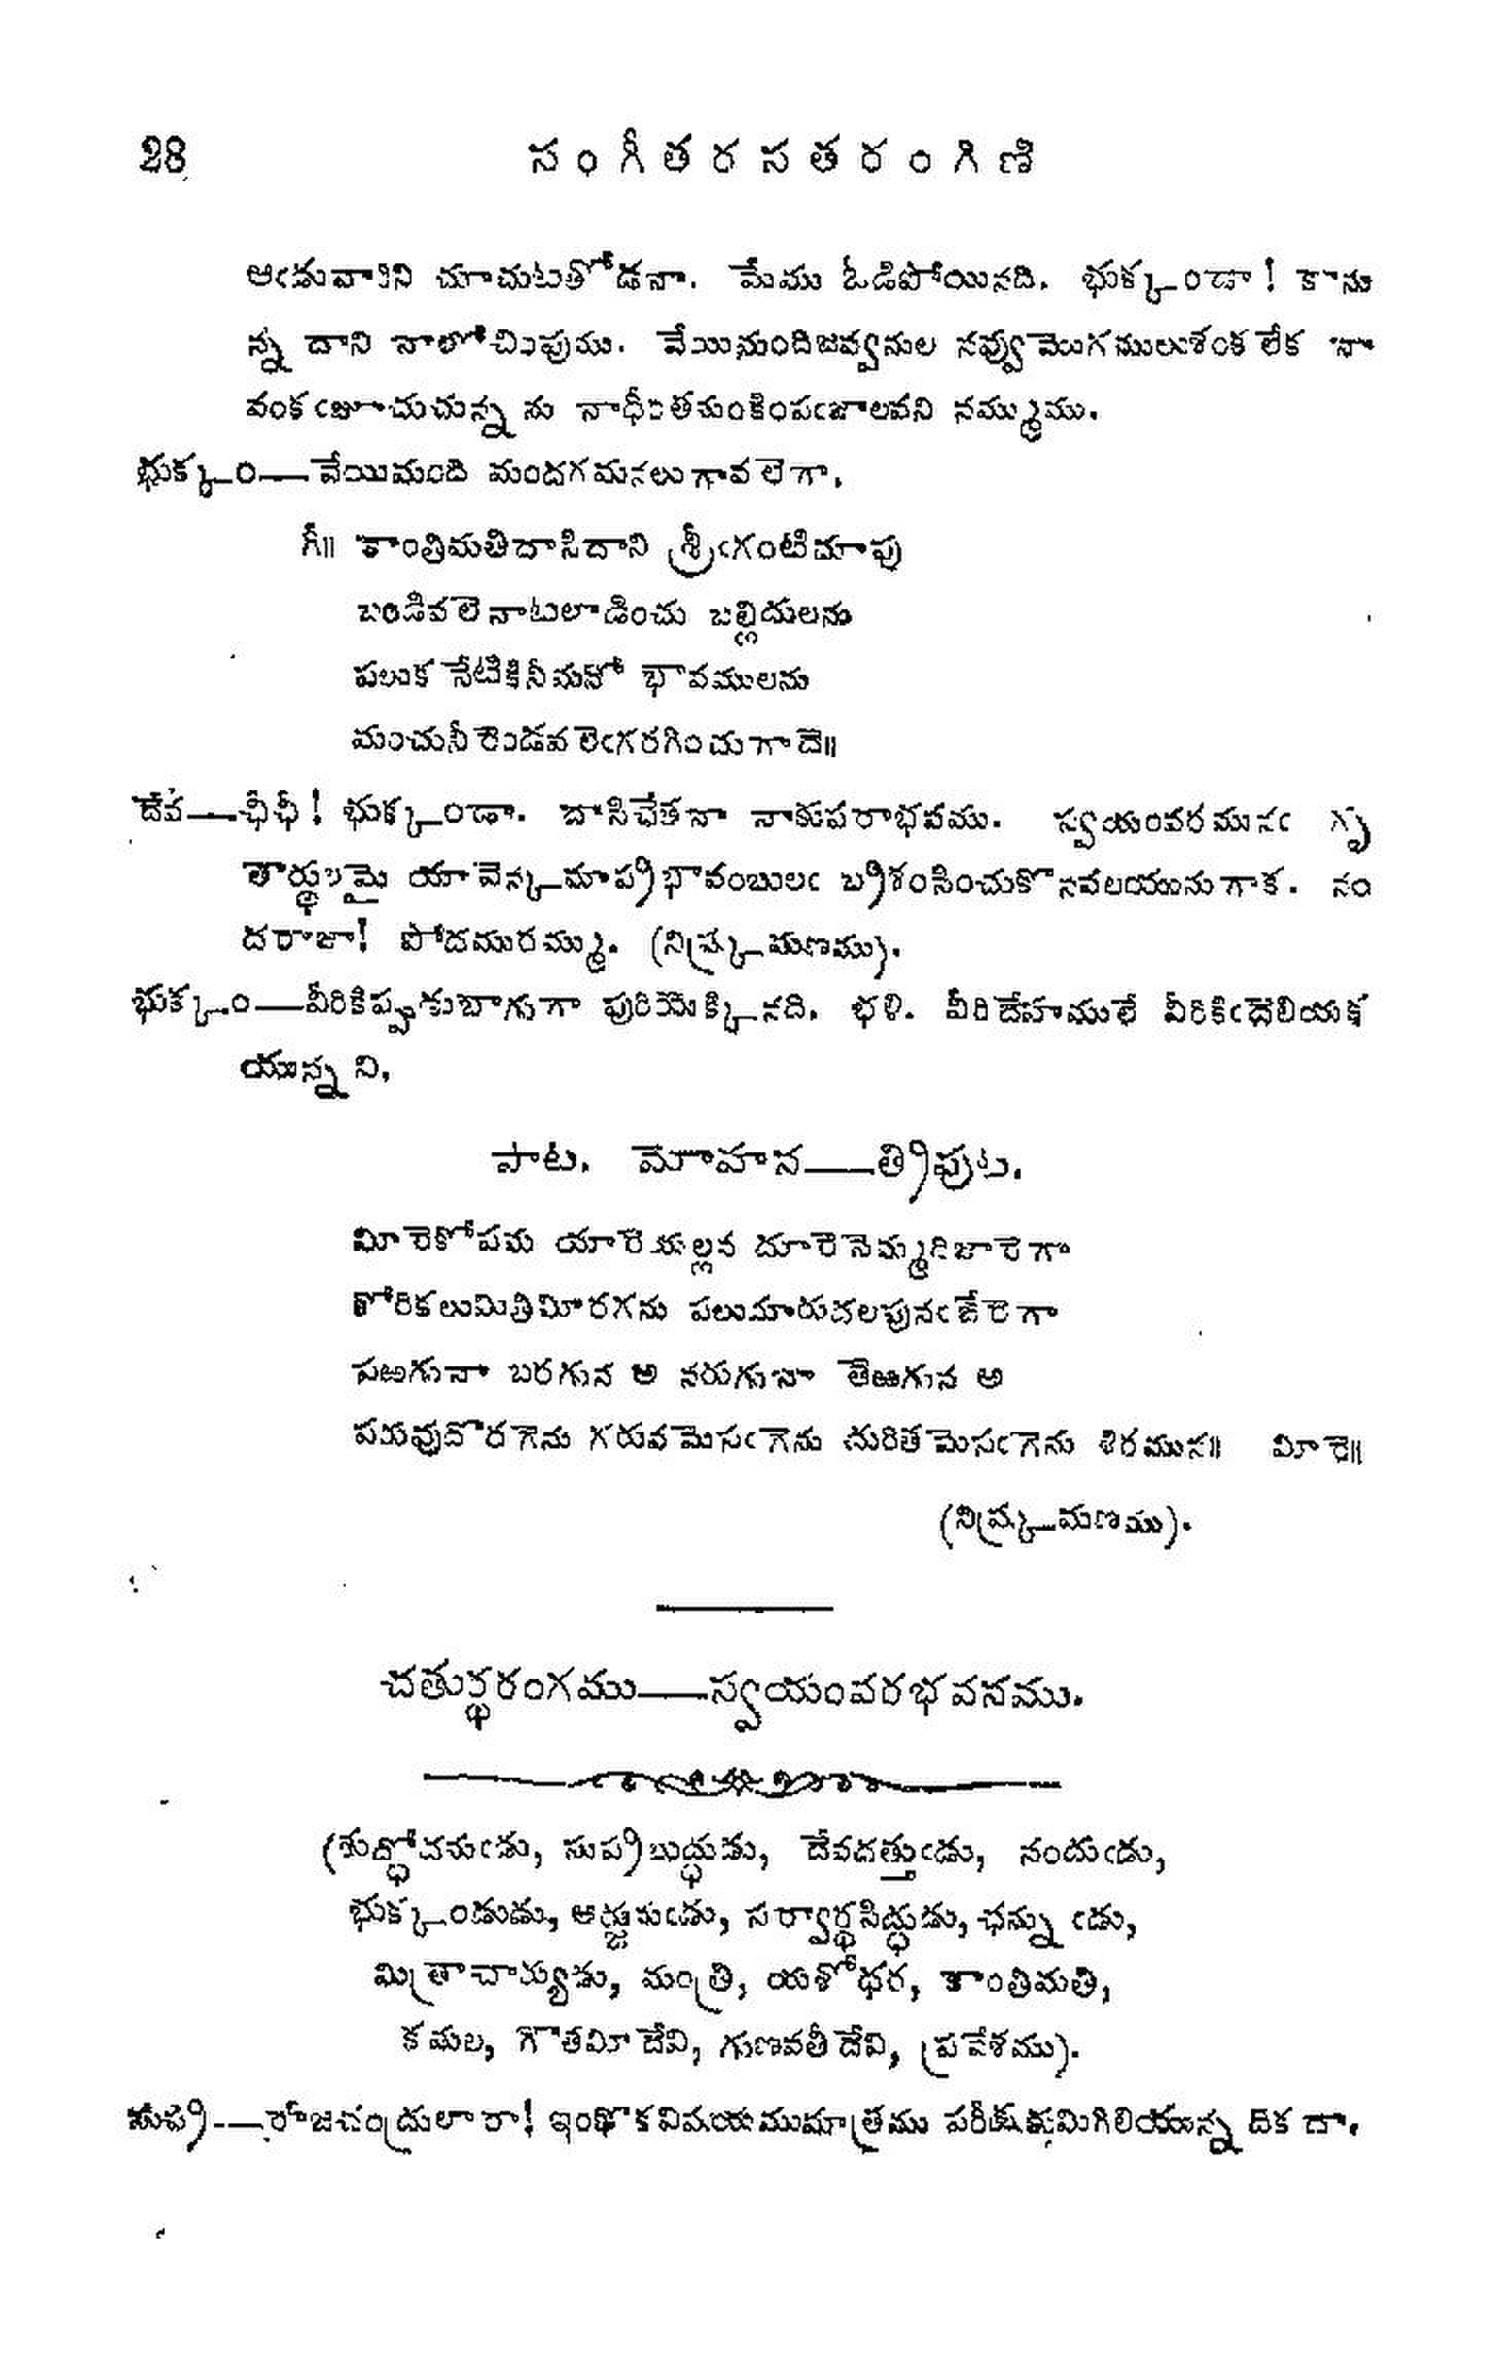ఆఁడువారిని చూచుటతోడనా. మేము ఓడిపోయినది. భుక్కండా! కానున్న దాని నాలోచింపుము. వేయినుందిజవ్వనుల నవ్వు
మొగములశంకలేక నావంకఁజూచుచున్నను నాధీంతమంకింపఁజాలవని నమ్ముము.

భుక్కం — వేయిమంది మందగమనలుగావలెగా.

గీ॥ కాంతిమతిదానిదాని శ్రీఁగంటిచూపు
బండివలె నాటలాడించు బల్లిదులను
పలుక నేటికినీమనో భావములను
మంచునీరెండవలెఁగరగించుగాదె॥ 

దేవ - ఛీఛీ! భుక్కండా. దాసిచేతనా నాకుపరాభవము. స్వయంవరమునఁ గృతార్థులమై యావెన్కమాప్రభావంబులఁ బ్రశంసించు కొనవలయునుగాక. నందరాజా! పోదమురమ్ము. (నిష్క్రమణము).

భుక్కం — వీరికిప్పుడుబాగుగా పురియెక్కినది. భలి. వీరిదేహములే వీరికిఁదెలియక యున్నవి.

మీరెకోపమ యారెయల్లన దూరెనెమ్మదిజానెగా 
కోరికలు మితిమీరగను పలుమారుదలపునఁజేరగా
సఱగునా బరగున అ నరుగునా తెఱుగున అ
పరువుదొరగెను గరువమెసంగెను దురితమెసంసఁగెను శిరమును మీరె॥ 

 

(శుద్ధోదనుఁడు, సుప్రబుద్ధుడు, దేవదత్తుఁడు, నందుఁడు, భుక్కండుడు, అర్జునుఁడు, సర్వార్ధసిద్ధుడు, ఛన్నుఁడు,
మిశ్రాచార్యుడు, మంత్రి, యశోధర, కాంతిమతి, కమల, గౌతమీ దేవి, గుణవతీ దేవి, ప్రవేశము)

సుప్ర — రాజచంద్రులారా! ఇంకొకవిషయముమాత్రము పరీక్షకుమిగిలియున్నదికదా.